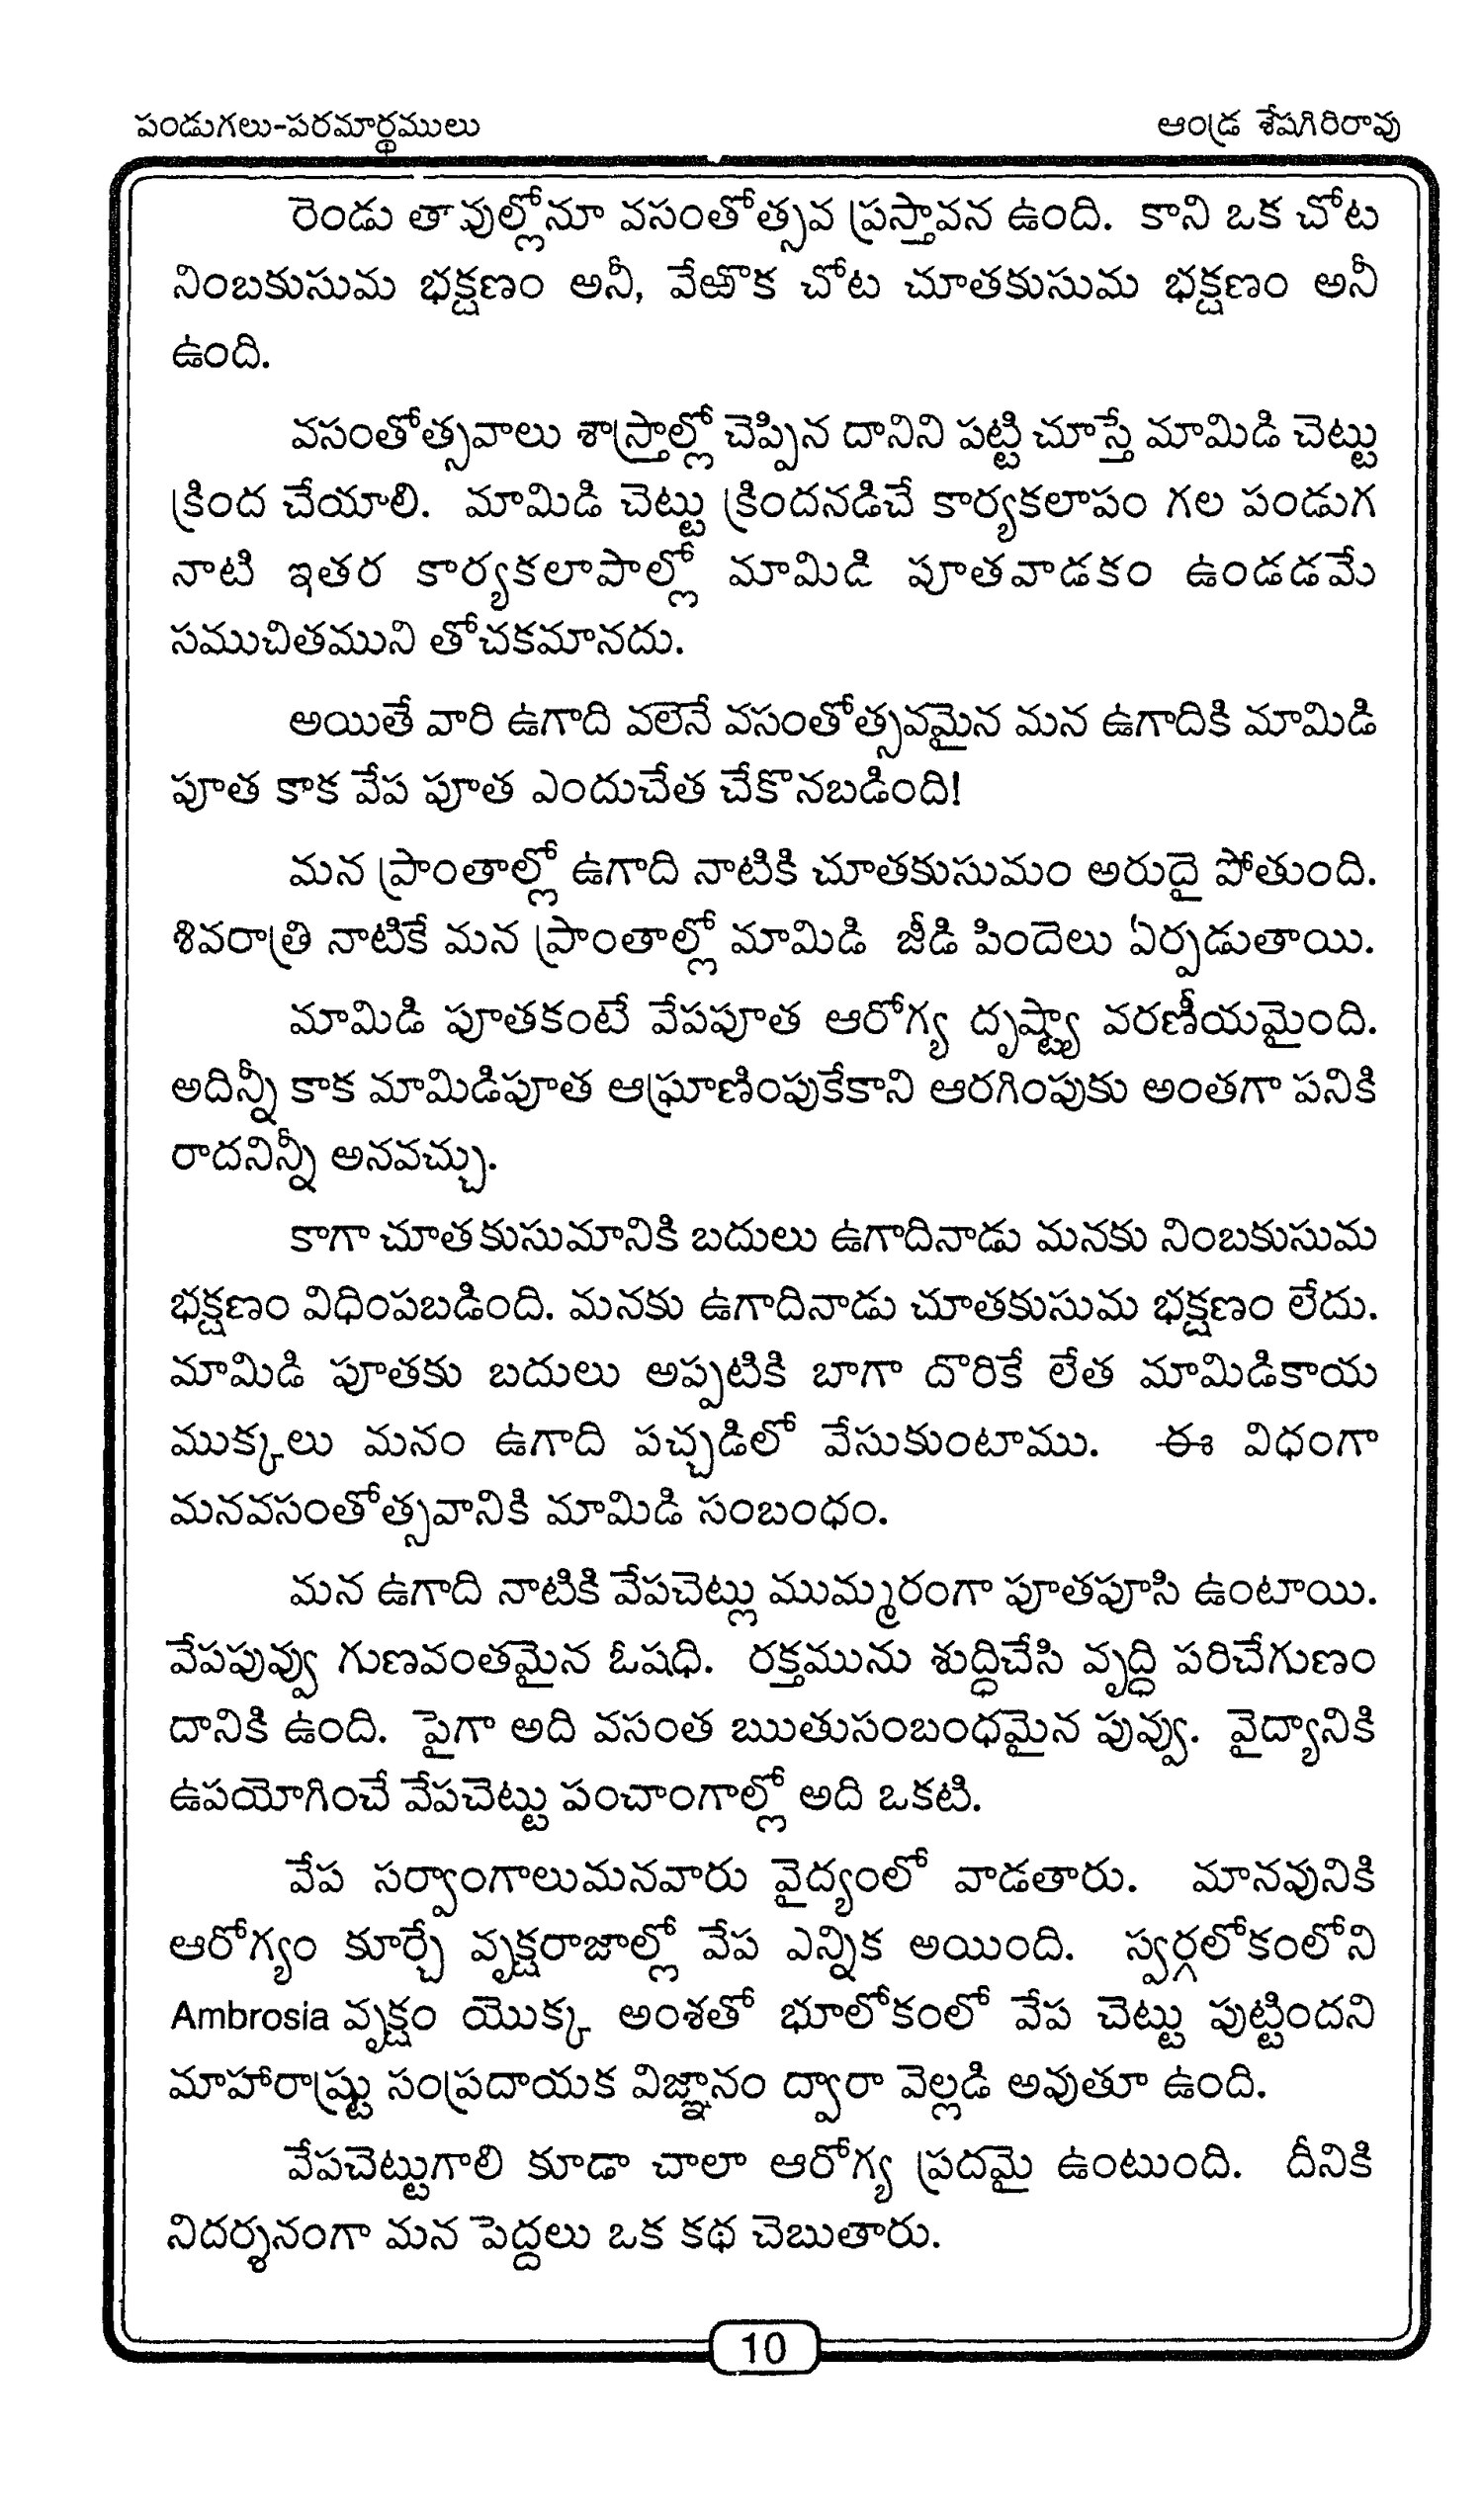రెండు తావుల్లోనూ వసంతోత్సవ ప్రస్తావన ఉంది. కాని ఒకచోట నింబకుసుమ భక్షణం అనీ, వేఱొక చోట చూతకుసుమ భక్షణం అనీ ఉంది.
 వసంతోత్సవాలు శాస్త్ర్రాల్లో చెప్పిన దానిని పట్టి చూస్తే మామిడి చెట్టు క్రింద్ చేయాలి. మామిడి చెట్టు క్రిందనడిచే కార్యకాలాపం గల పండుగ నాటి ఇతర కార్యకలాపాల్లో మామిడి పూతవాడకం ఉండడమే సముచితమని తోచకమానదు.
 అయితే వారి ఉగాది నాటికి చూతకుసుమం అరుదై పోతుంది. శివరాత్రి నాటికే మన ప్రాంతాల్లో మామిడిపూత కాక వేప పూత ఎందుచేత చేకొనబడింది. 

 మన ప్రాంతాల్లో ఉగాది నాటికి చూత కుసుమం అరుదై పోతుంది. శివ రాత్రి నాటిఒకే మన ప్రాంతాల్లో మామిడి జీడి పిందెలు ఏర్పడుతాయి.
 మామిడి పూతకంటే వేపపూత ఆరోగ్య దృష్ట్యా వరణీయమైంచి. అదిన్నీకాక మామిడిపూత ఆఘ్రాణింపుకేకాని ఆరగింపునకు అంతగా పనికి రాదనిన్నీ అనవచ్చు.
 కాగా చూతకుసుమానికి బదులు ఉగాదినాడు మనకు వింబకుసుమ భక్షణం విధింపబడింది. మనకు ఉగదినడు చూతకుసుమ భక్షణం లేదు. మామిడి పూతకు బదులు అప్పటికి బాగా దొరికే లేత మామిడికాయ ముక్కలు మనం ఉగాది పచ్చడిలో వేసుకుంటాము. ఈ విధంగా మనవసంతొత్సవానికి మామిడి సంబంధం.
 మన ఉగాది నాటికి వేపచెట్లు ముమ్మరంగా పూతపూసి ఉంటాయి. వేపపువ్వు గుణవంతమైన ఓషది. రక్తం ను శుద్దిచేసి వృద్ధి పరిచేగుణం దానికి ఉంది. పైగా అది వసంత ఋతుసంబంధమైన పువ్వు. వైద్యానికి ఉపయోగించే వేపచెట్టు పంచాంగాల్లో అది ఒకటి.
 వేప సర్వాంగాలుమనవారు వైధ్యంలో వాడతారు. మానవునికి ఆరోగ్యం కూర్చే వృక్షాల్లో వేప ఎన్నిక అయింది. స్వర్గలోకంలోని Ambrosia వృక్షం యొక్క అంశతో భూలోకంలో వేప చెట్టు పుట్టిందని మహారాష్ట్ర సంప్రదాయక విజ్ఞానం ద్వారా వెల్లడి అవుతూ ఉంది.
 వేపచెట్టుగాలి కూడా ఆరోగ్య ప్రదమై ఉంటుంది. దీనికి నిదర్శనంగజ మన పెద్దలు ఒక కధ చెబుతారు.